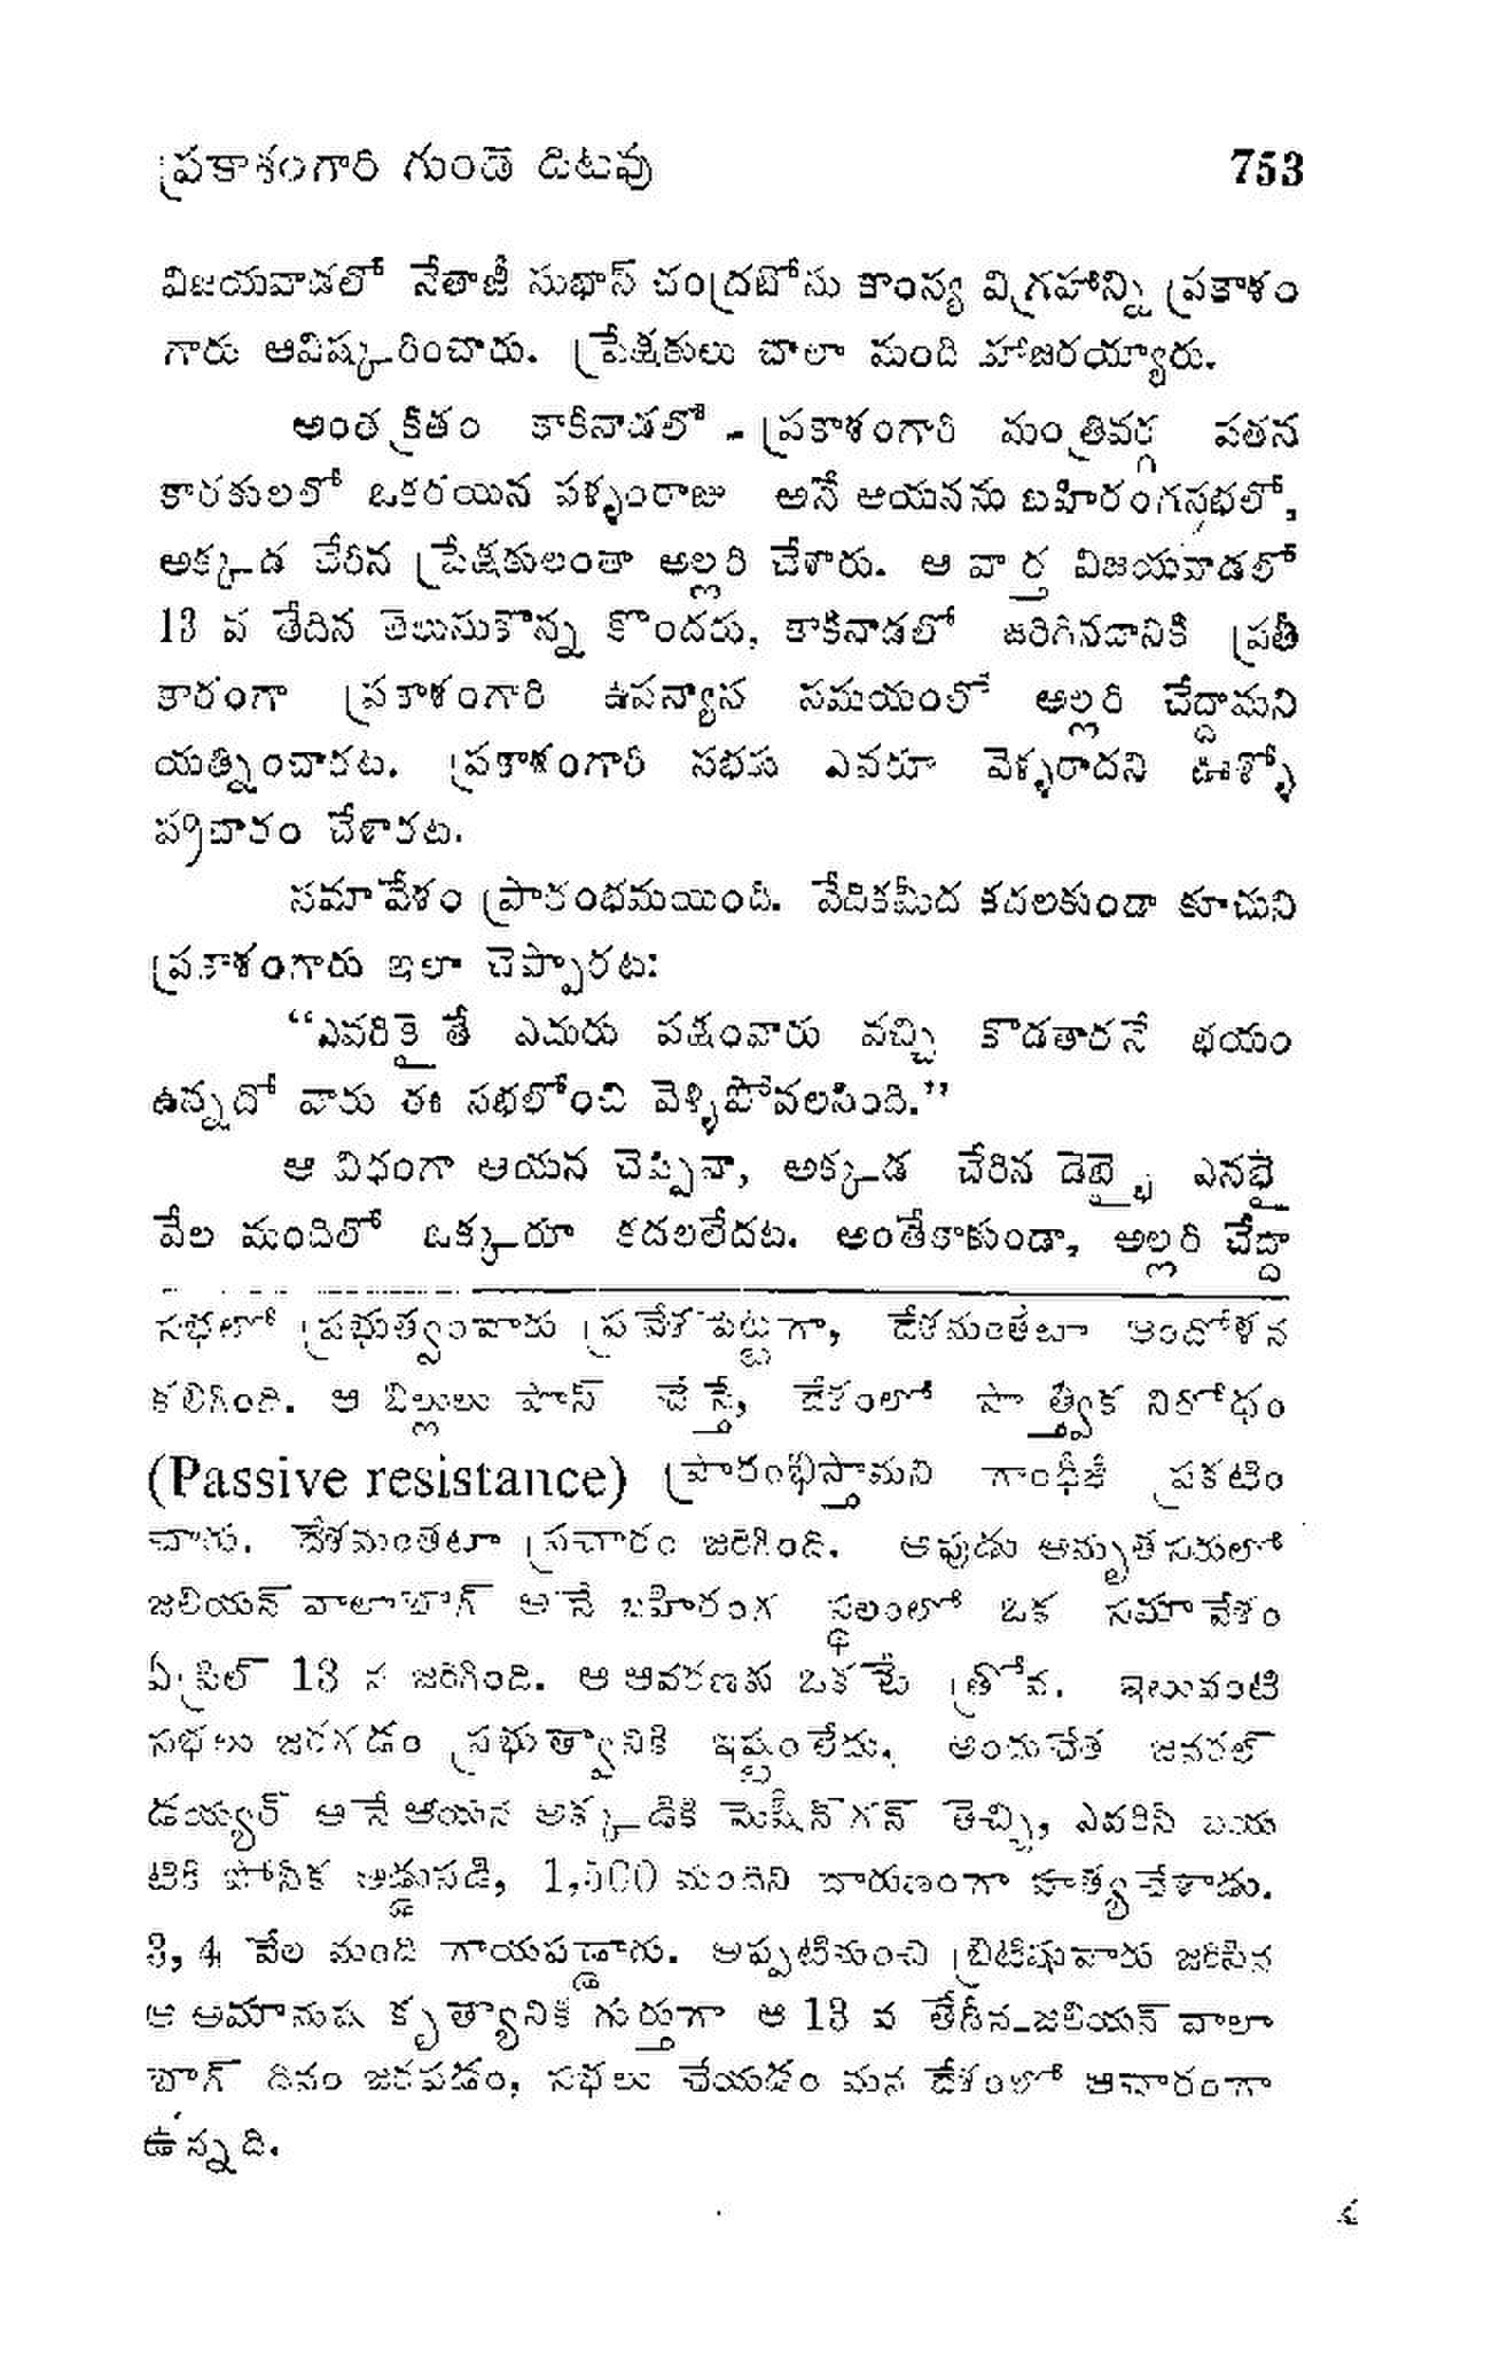విజయవాడలో నేతాజీ సుభాస్ చంద్రబోసు కాంస్య విగ్రహాన్ని ప్రకాశంగారు ఆవిష్కరించారు. ప్రేక్షకులు చాలా మంది హాజరయ్యారు.

అంతక్రితం కాకినాడలో - ప్రకాశంగారి మంత్రివర్గ పతన కారకులలో ఒకరయిన పళ్ళంరాజు అనే ఆయనను బహిరంగ సభలో, అక్కడ చేరిన ప్రేక్షకులంతా అల్లరి చేశారు. ఆ వార్త విజయవాడలో 13 వ తేదీన తెలుసుకొన్న కొందరు, కాకినాడలో జరిగినదానికి ప్రతీకారంగా ప్రకాశంగారి ఉపన్యాస సమయంలో అల్లరి చేద్దామని యత్నించారట. ప్రకాశంగారి సభకు ఎవరూ వెళ్ళరాదని ఊళ్ళో ప్రచారం చేశారట.

సమావేశం ప్రారంభమయింది. వేదికమీద కదలకుండా కూచుని ప్రకాశంగారు ఇలా చెప్పారట:

"ఎవరికైతే ఎదురు పక్షంవారు వచ్చి కొడతారనే భయం ఉన్నదో వారు ఈ సభలోంచి వెళ్ళిపోవలసింది."

ఆ విధంగా ఆయన చెప్పినా, అక్కడ చేరిన డెబ్భై ఎనభై వేల మందిలో ఒక్కరూ కదలలేదట. అంతేకాకుండా, అల్లరి చేద్దా